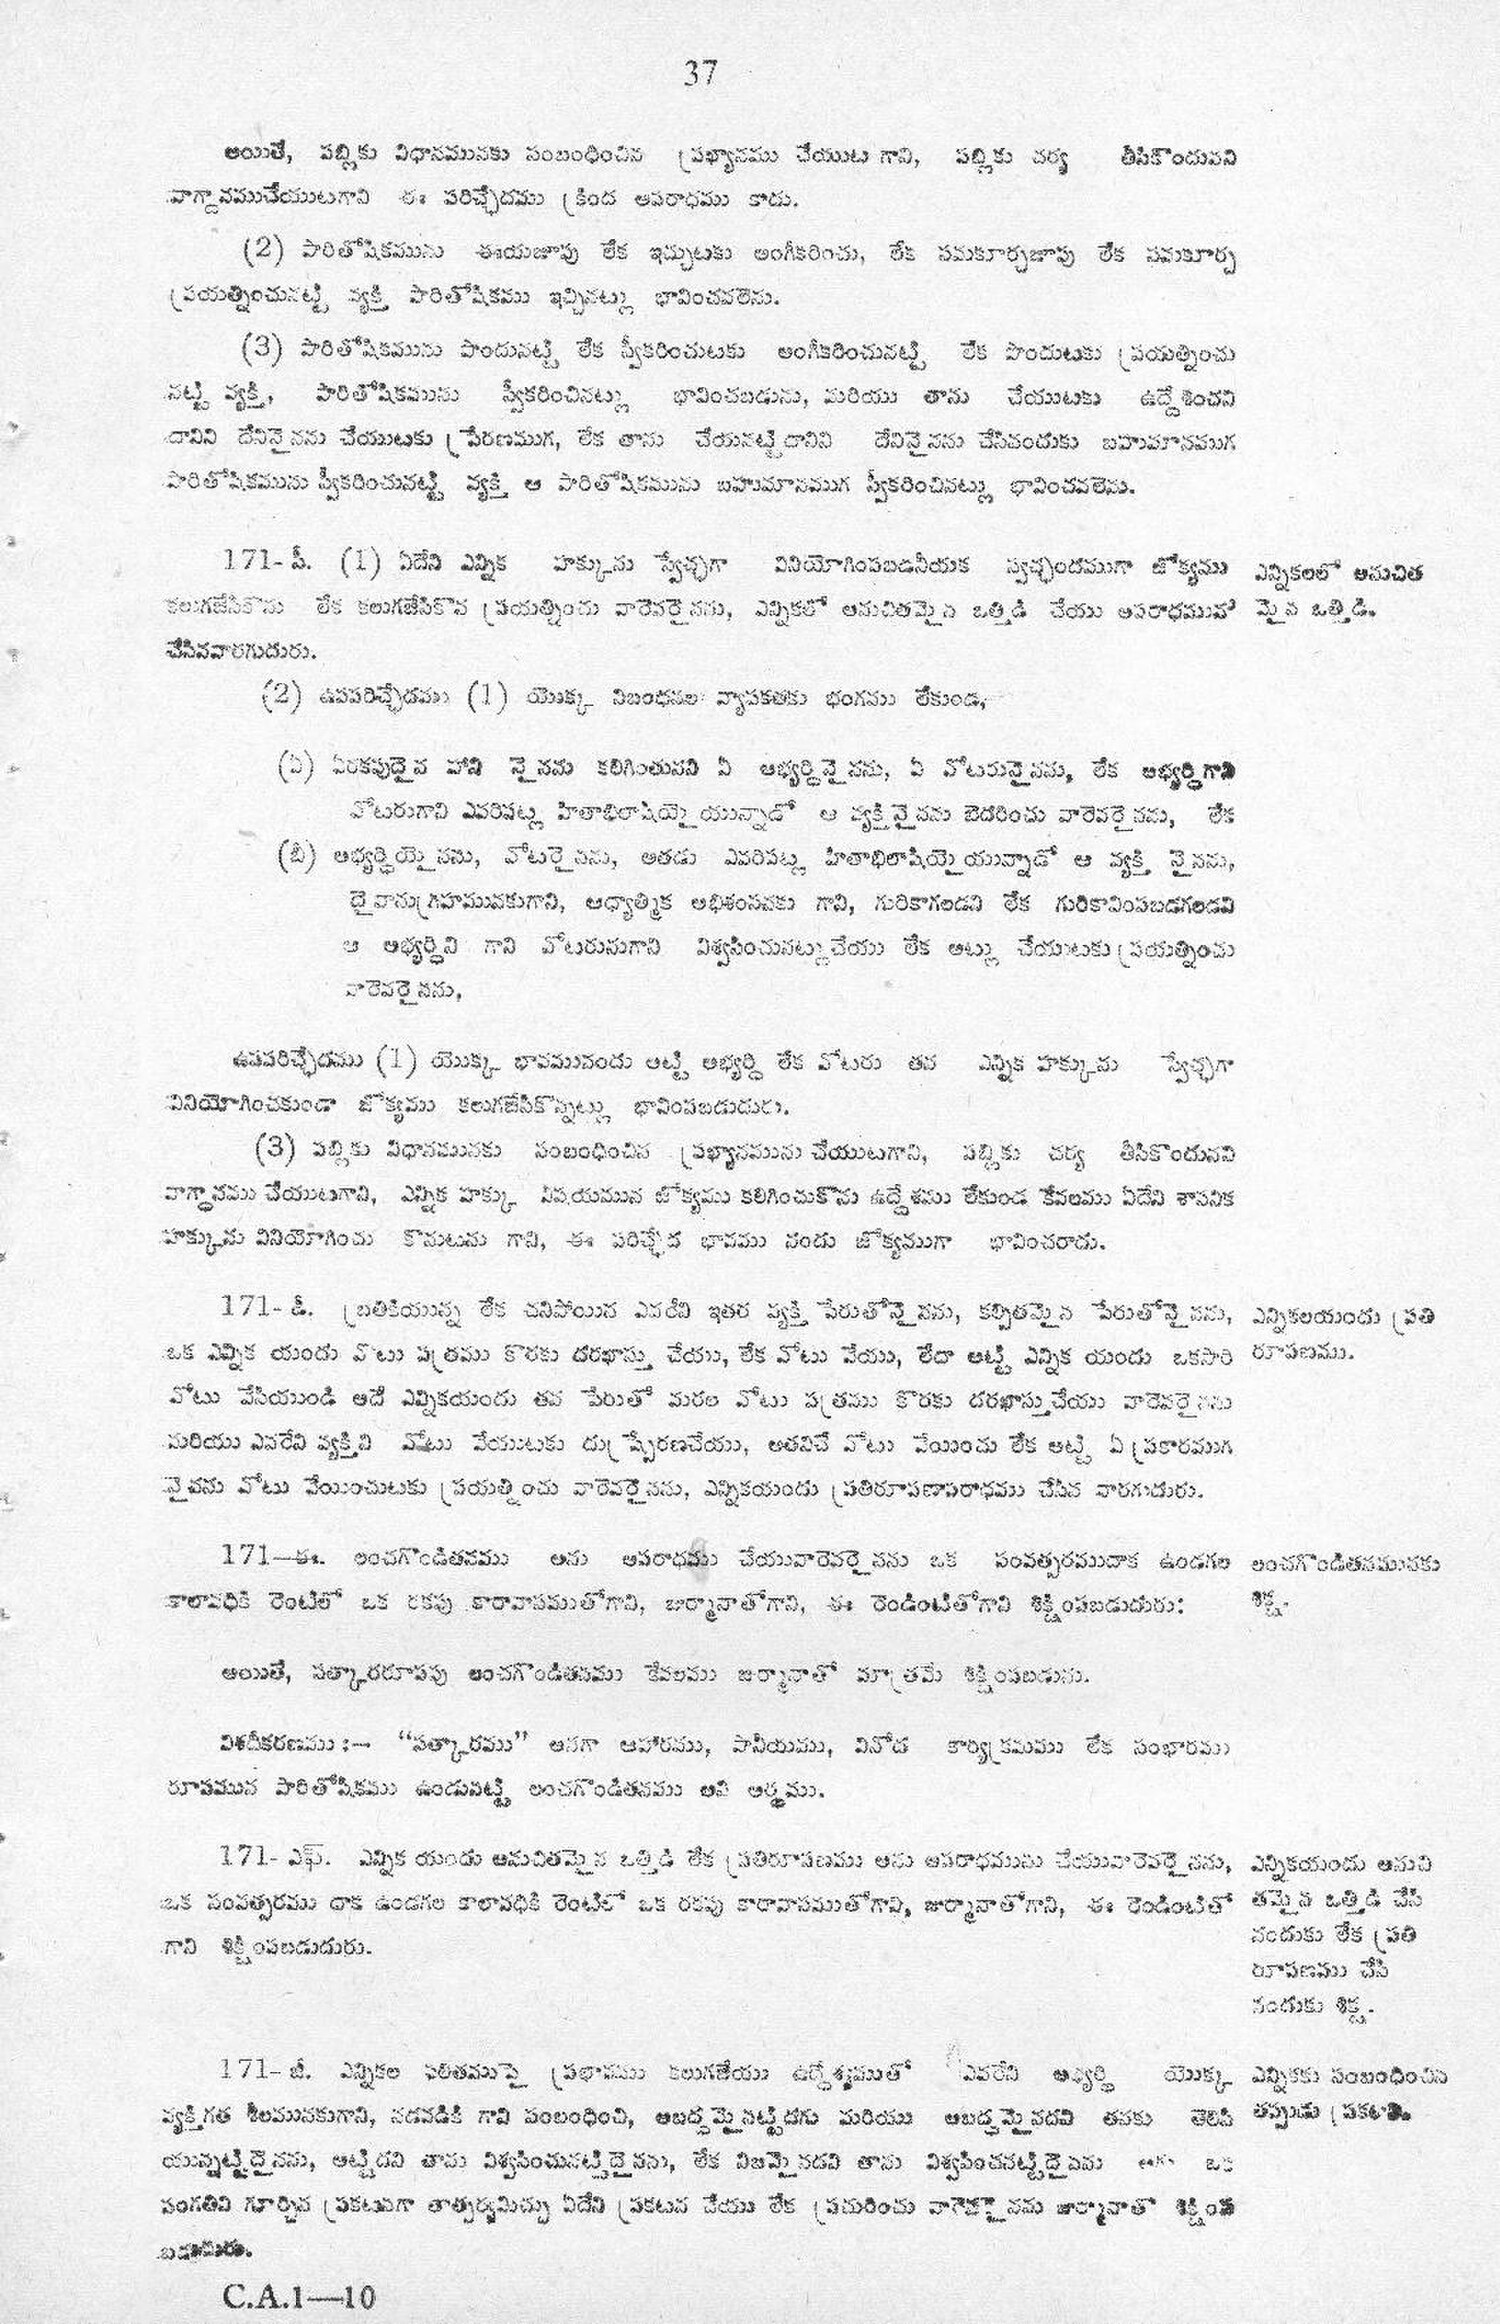అయితే, పబ్లికు విధానమునకు సంబంధించిన ప్రఖ్యానము చేయుట గాని, పబ్లికు చర్య తీసికొందునని వాగ్దానము చేయుటగాని ఈ పరిచ్ఛేదము క్రింద అపరాధము కాదు.

(2) పారితోషికమును ఈయజూపు లేక ఇచ్చుటకు అంగీకరించు, లేక సమకూర్చజూపు లేక సమకూర్చ ప్రయత్నించునట్టి వ్యక్తి పారితోషికము ఇచ్చినట్లు భావించవలెను.

(3) పారితోషికములు పొందునట్టి లేక స్వీకరించుటకు అంగీకరించునట్టి లేక పొందుటకు ప్రయత్నించు నట్టి వ్యక్తి 
పారితోషికమును స్వీకరించినట్లు భావించబడును, మరియు తాను చేయుటకు ఉద్దేశించని దానిని దేనినైనను చేయుటకు ప్రేరణముగ, లేక తాను చేయునట్టి దానిని దేనినై నను చేసినందుకు బహుమానముగ పారితోషికమును స్వీకరించునట్టి వ్యక్తి ఆ పారితోషికమును బహుమానముగ స్వీకరించినట్లు భావించవలెను.

ఎన్నికలలో అనుచితమైన ఒత్తిడి,

171-సీ. (1) ఏదేని ఎన్నిక హక్కును స్వేచ్ఛగా వినియోగింపబడినీయక స్వచ్ఛందముగా జోక్యము కలుగజేసికొను లేక కలుగజేసికొన ప్రయత్నించు వారేసరైనను, ఎన్నికలో అనుచితమైన ఒత్తిడి చేయు ఆపరాధము చేసినవారగుదురు.

(2) ఉపపరిచ్ఛేదము (1) యొక్క నిబంధనల: వ్యాపకతకు భంగము లేకుండ,

(ఎ) ఏరకపుదైన హానినైనను కలిగింతునని ఏ అభ్యర్థి నైనను, ఏ వోటరునైనను, లేక అభ్యర్థి గాని వోటరుగాని ఎవరిపట్ల హితాభిలాషియై యున్నాడో ఆ వ్యక్తి నైనను బెదరించు వారెవరైనను, లేక

(బి) అభ్యర్థియైనను, వోటరైనను, అతడు ఎవరిపట్ల హితాభిలాషియై యున్నాడో ఆ వ్యక్తి నైనను,దైవాను గ్రహమునకుగాని, ఆధ్యాత్మిక అభిశంసనకు గానీ, గురికాగలడని లేక గురికావింపబడగలడని ఆ అభ్యర్థిని గాని వోటరునుగాని విశ్వసించునట్లు చేయు లేక అట్లు చేయుటకు ప్రయత్నించు వారెవరైనను,

ఉపపరిచ్ఛేదము (1) యొక్క భావమునందు అట్టి అభ్యర్థి లేక వోటరు. తన ఎన్నిక హక్కును స్వేచ్చగా వినియోగించకుండా జోక్యము కలుగజేసికొన్నట్లు భావింపబడుడురు,

(3) పబ్లికు విధానమునకు సంబంధించిన ప్రఖ్యానమును చేయుటగాని, పబ్లికు చర్య తీసికొందునని వాగ్దానము చేయుటగాని, ఎన్నిక హక్కు విషయమున జోక్యము కలిగించుకొను ఉద్దేశము లేకుండ "కేవలము ఏదేని శాసనిక
హక్కును వినియోగించు కొనుటను గానీ, ఈ పరిచ్చేద భావము నందు జోక్యముగా భావించరాదు.

ఎన్నికలయందు ప్రతి రూపణము.

171- డీ. బ్రతికియున్న లేక చనిపోయిన ఎవరిని ఇతర వ్యక్తి పేరుతో నైనను, కల్పితమైన పేరుతో నైనను, ఒక ఎన్నిక యందు వాటు పత్రము కొరకు దరఖాస్తు చేయు, లేక వోటు చేయు, లేదా అట్టి ఎన్నిక యందు ఒకసారి వోటు వేసియుండి అదే ఎన్నికయందు తమ పేరుతో మరల వోటు పత్రము కొరకు దరఖాస్తు చేయు వారెవరైనను మరియు ఎవరేని వ్యక్తిని వోటు వేయుటకు దుష్ప్రేరణచేయు, అతనిచే వోటు వేయించు లేక అట్టి ఏ ప్రకారముగ నైనను వోటు వేయించుటకు ప్రయత్నించు వారెవరై నను, ఎన్నికయందు ప్రతిరూపణాపరాధము చేసిన వారగుదురు.

లంచగొండితనమునకు శిక్ష.

171-ఈ. లంచగొండితనము అను అపరాధము చేయువారెవరైనను ఒక సంవత్సరముదాక ఉండగల కాలావధికి రెంటిలో ఒక రకపు కారావాసముతోగాని, జూర్మానాతోగాని, ఈ రెండింటితోగాని శిక్షింపబడుదురు:

ఆయితే, సత్కార రూపపు లంచగొండితనము కేవలము జర్మానాలో మాత్రమే శిక్షింపబడును.

విశదీకరణము :-- "సత్కారము" అనగా ఆహారము, పానీయము, వినోద కార్యక్రమము లేక సంభారము రూపమున పారితోషికము ఉండునట్టి లంచగొండితనము అని అర్థము,

ఎన్నికయందు అనుచితమైన ఒత్తిడి చేసినందుకు లేక ప్రతి రూపణము చేసినందుకు శిక్ష.

171-ఎఫ్. ఎన్నిక యందు అనుచితమైన ఒత్తిడి లేక ప్రతిరూపణము అను అపరాధములు చేయువారెవరైనను, ఒక సంవత్సరము దాక ఉండగల కాలావధికి రెంటిలో ఒక రకపు కారావాసముతో గాని, జుర్మానాతో గాని, ఈ రెండింటితో 
గాని శిక్షింపబడుదురు.

ఎన్నికకు సంబంధించిన తప్పుడు ప్రకటన.

171- జీ. ఎన్నికల ఫలితము పై ప్రభావము కలుగజేయు ఉద్దేశ్యముతో ఎవరేని అబ్యర్ది యొక్క వ్యక్తి గత శీలమునకుగాని, నడవడికి గాని సంబంధించి, అబద్దమైనట్టిదగు మరియు అబద్ధ మైనదని తనకు తెలిసి యున్నటి దైనను, అట్టిదని తాను విశ్వసించునట్టిదైనను, లేక నిజమైనదని తాను విశ్వసించనట్టి దైనను అగు ఒక సంగతిని గూర్చిన ప్రకటనగా తాత్పర్యమిచ్చు ఏదేని ప్రకటన చేయు లేక ప్రచురించు వారెవరైనను జుర్మానాతో శిక్షింపబడుదురు.